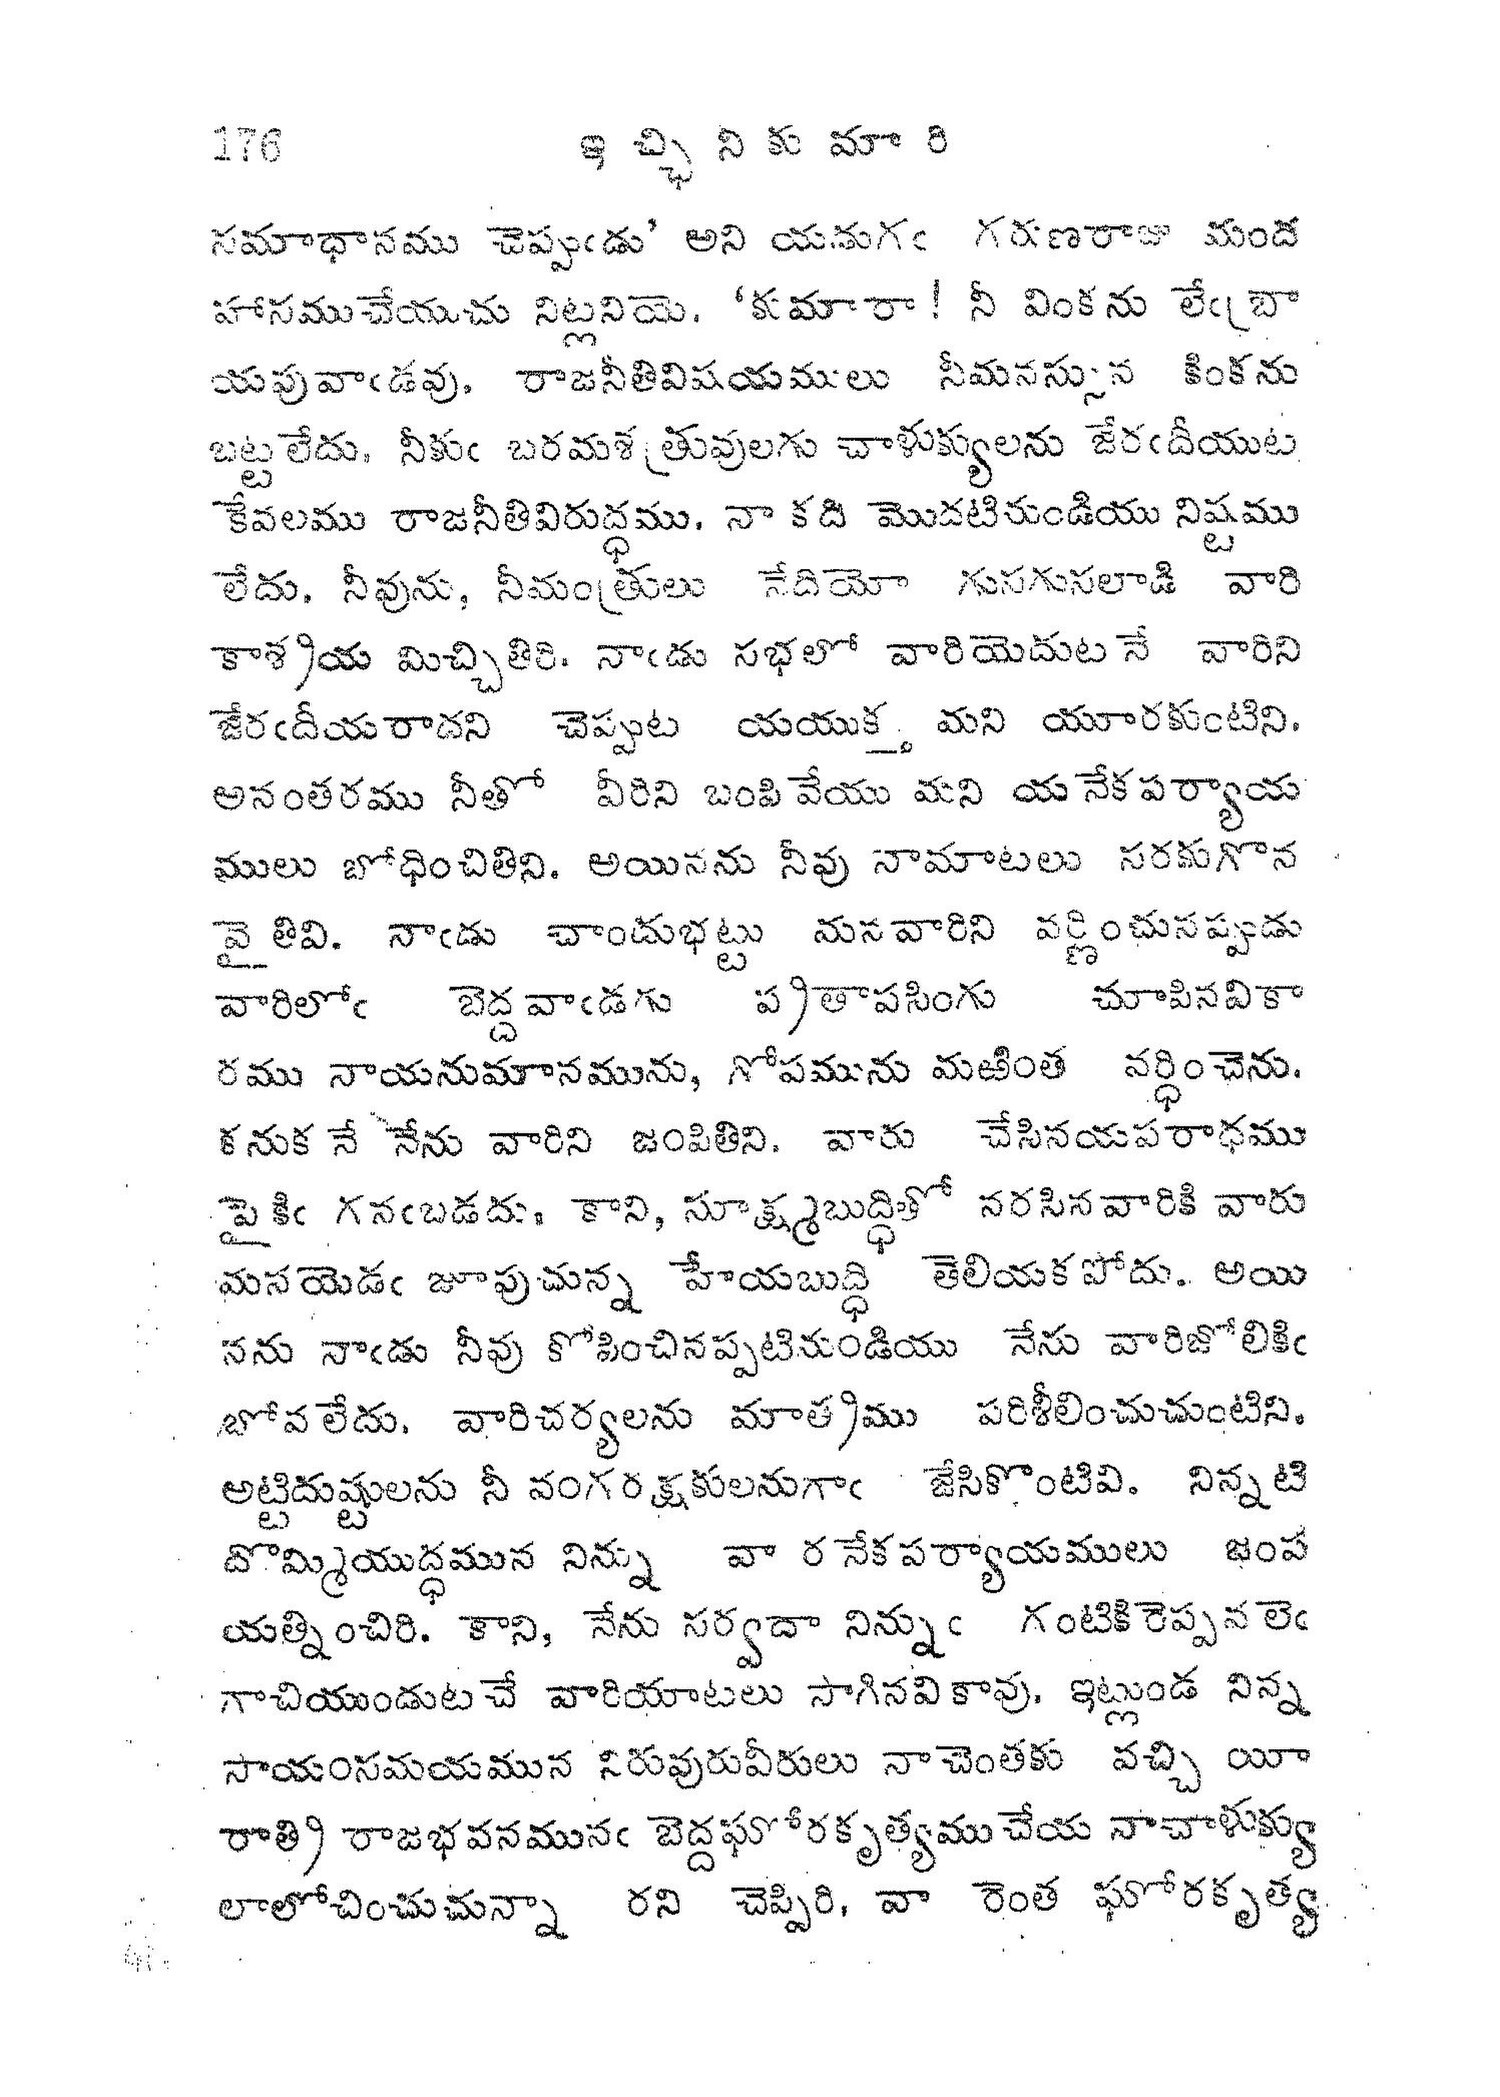సమాధానము చెప్పుఁడు' అని యడుగఁ గరుణరాజు మంద
హాసము చేయుచు నిట్లనియె. 'కుమారా ! నీ వింకను లేఁబ్రా
యుపు వాఁడవు, రాజనీతి విషయములు నీమనస్సున కింకను
బట్ట లేదు. నీకుఁ బరమశత్రువులగు చాళుక్యులను జేరఁదీయుట
కేవలము రాజనీతి విరుద్ధము. నా కది మొదటి నుండియు నిష్టము
లేదు, నీవును, నీమంత్రులు నేదియో గుసగుసలాడి వారి
కాశ్రయ మిచ్చితిరి. నాఁడు సభలో వారియెదుట నే వారిని
జేరఁదీయ రాదని చెప్పుట యయుక్త మని యూరకుంటిని.
అనంతరము నీతో వీరిని బంపి వేయు మని యనేక పర్యాయ
ములు బోధించితిని. అయినను నీవు నామాటలు సరకుగొన
వైతివి. నాఁడు చాందుభట్టు నున వారిని వర్ణించునప్పుడు
వారిలో పెద్దవాడగు ప్రతాప సింగు చూపిన వికారము
నాయనుమానమును, గోపమును మఱింత వర్ధించెను.
కనుకనే నేను వారిని జంపితిని. వారు చేసిన యపరాధము
పైకిఁ గనఁబడదు. కాని, సూక్ష్మబుద్ధితో నరసిన వారికి వారు
మన యెడఁ జూపుచున్న హేయబుద్ధి తెలియక పోదు. అయి
నను నాఁడు నీవు కోపించి నప్పటినుండియు నేను వారి జోలికిఁ
బోవ లేదు. వారిచర్యలను మాత్రము పరిశీలించు చుంటిని.
అట్టిదుష్టులను నీ నంగరక్షకులనుగాఁ జేసికొంటివి. నిన్నటి
దొమ్మి యుద్ధమున నిన్ను వా ర నేక పర్యాయములు జంప
యత్నించిరి. కాని, నేను సర్వదా నిన్నుఁ గంటికి రెప్పవలె
గాచియుండుట చే వారియాటలు సాగినవి కావు. ఇట్లుండ నిన్న
సాయంసమయమున నిరువురువీరులు నా చెంతకు వచ్చి యీ
రాతి రాజభవనమునఁ బెద్ద ఘోర కృత్యము చేయ నాచాళుక్యు
లాలోచించుచున్నా రని చెప్పిరి, వా రెంత ఘోరకృత్య